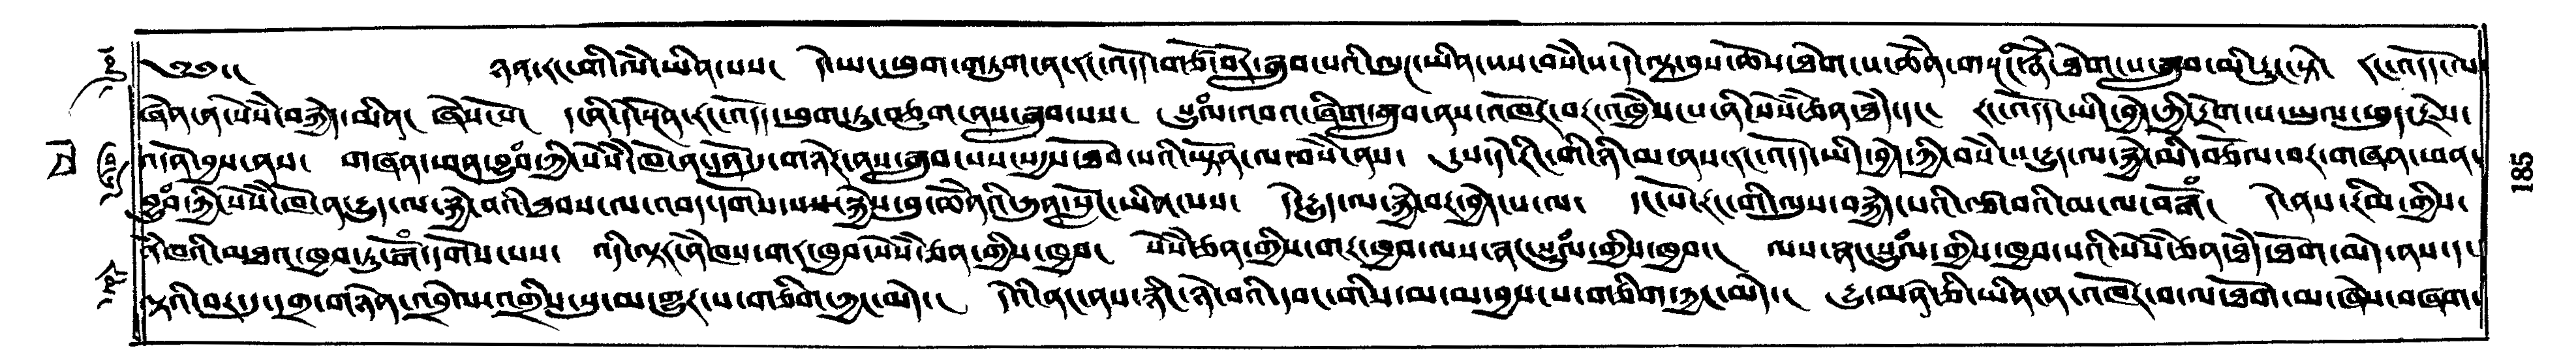ཉན་རང་གི་ལམ་ཡིན་པས། དེ་ཡང་ཕུགས་གཏུག་ན་རང་འདོད་གཙོ་བོར་སྒྲུབ་པའི་ལུགས་ཡིན་པས་བསམ་པ་དེ་ལྟ་བུས་ཆོས་ཐེག་པ་ཆེན་པོ་གསང་སྔགས་རྡོ་རྗེ་ཐེག་པ་སྒྲུབ་མི་རུང་སྟེ། རང་དོན་ལ་
ཞེན་ན་སེམས་བསྐྱེད་མིན། ཞེས་སོ།། དེ་སྔོན་རང་འདོད་ཕུག་ཏུ་བཅུག་ནས་སྡུག་བཤལ་འབའ་ཞིག་བསྒྲུབ་པས་འཁོར་བར་འཁྱམས་པ་ཡིན་པས། ད་ནི་རང་འདོད་ཡིད་བྱེད་ཀྱི་རྟོག་པ་ཡུལ་ཕུད་རྗེས་
འདོན་བྱས་ནས། གཞན་ཕན་བྱང་ཆུབ་ཀྱི་སེམས་ཁོ་ན་དོན་དུ་གཉེར་ནས་སྒྲུབ་པས་སངས་རྒྱས་ཐོབ་པའི་ཡོན་ཏན་ལ་བསམ་ནས། དུས་དེ་རིང་གི་ཉི་མ་ནས་རང་འདོད་ཡིད་བྱེད་ཀྱི་བསམ་པ་རྒྱུད་ལ་སྐྱེ་མི་བཅོལ་བར་གཞན་ཕན་
བྱང་ཆུབ་ཀྱི་སེམས་ཁོ་ན་རྒྱུད་ལ་སྐྱེ་བའི་ཐབས་ལ་འབད་དགོས་པ་སྐྱེས་བུ་ཆེན་པོའི་ཀུན་སློང་ཡིན་པས། དེ་རྒྱུད་ལ་སྐྱེ་བར་བྱེད་པ་ལ། དང་པོ་རང་གི་ལུས་བསྐྱེད་པའི་རྩ་བའི་མ་ལ་བསྒོམ། དེ་ནས་རིམ་གྱིས་
ནམ་མཁའི་མཐའ་ཁྱབ་ཏུ་སྒོམ་དགོས་པས། འདི་ལྟར་ནམ་མཁས་གར་ཁྱབ་སེམས་ཅན་གྱིས་ཁྱབ། སེམས་ཅན་གྱིས་གར་ཁྱབ་ལས་སྣང་སྡུག་བསྔལ་གྱིས་ཁྱབ། ལས་སྣང་སྡུག་བསྔལ་གྱིས་ཁྱབ་པའི་སེམས་ཅན་ཐམས་ཅད་ཐོག་མེད་ནས་ད་
ལྟའི་བར་དུ་དགྲ་གཉེན་འབྲེལ་འདྲིས་སུ་མ་གྱུར་པ་གཅིག་ཀྱང་མེད། དེའི་ནང་ནས་སྙིང་ཉེ་བའི་དབང་གིས་མ་མ་བྱས་པ་གཅིག་ཀྱང་མེད། རྒྱུ་མཚན་ཅི་ཡིན་ན་འཁོར་བ་ལ་ཐོག་མ་ཞེས་བཞག་